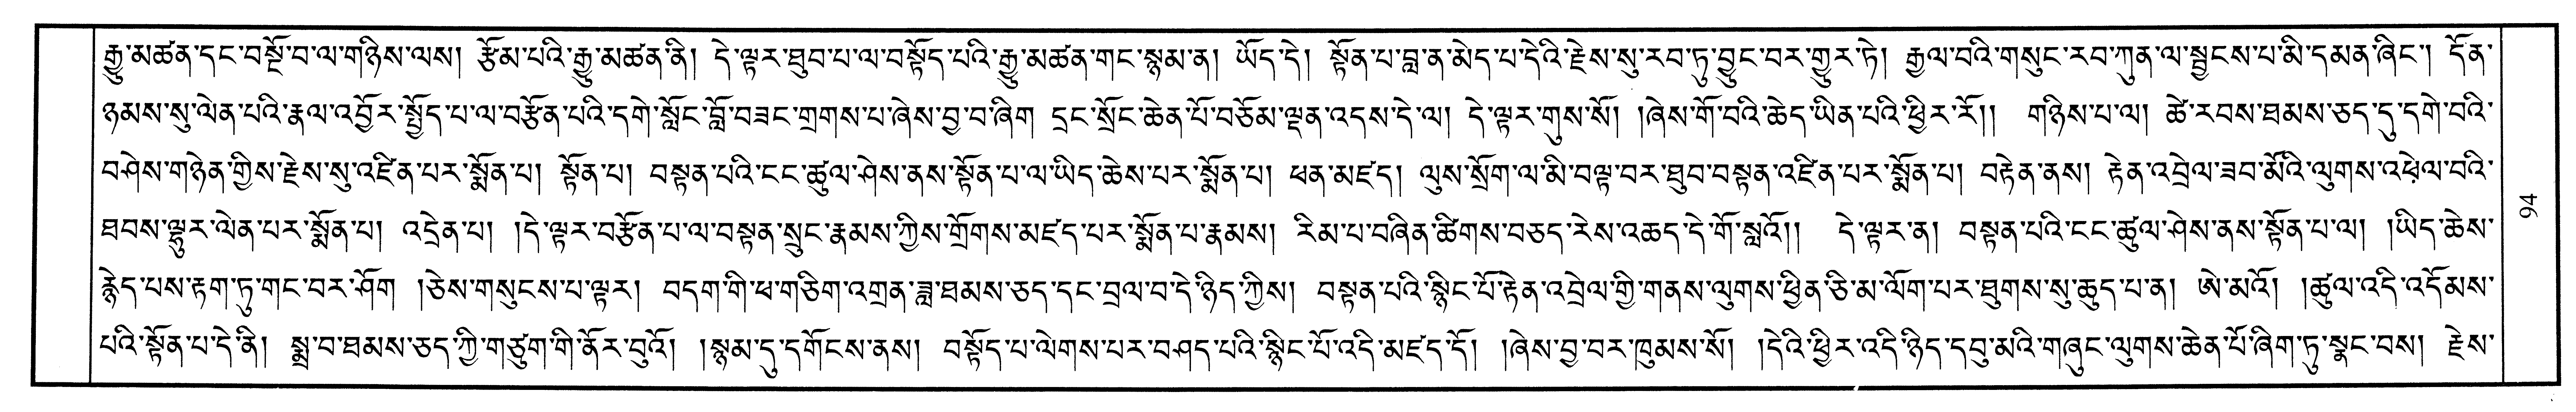རྒྱུ་མཚན་དང་བསྔོ་བ་ལ་གཉིས་ལས། རྩོམ་པའི་རྒྱུ་མཚན་ནི། དེ་ལྟར་ཐུབ་པ་ལ་བསྟོད་པའི་རྒྱུ་མཚན་གང་སྙམ་ན། ཡོད་དེ། སྟོན་པ་བླ་ན་མེད་པ་དེའི་རྗེས་སུ་རབ་ཏུ་བྱུང་བར་གྱུར་ཏེ། རྒྱལ་བའི་གསུང་རབ་ཀུན་ལ་སྦྱངས་པ་མི་དམན་ཞིང་། དོན་
ཉམས་སུ་ལེན་པའི་རྣལ་འབྱོར་སྤྱོད་པ་ལ་བརྩོན་པའི་དགེ་སློང་བློ་བཟང་གྲགས་པ་ཞེས་བྱ་བ་ཞིག །དྲང་སྲོང་ཆེན་པོ་བཅོམ་ལྡན་འདས་དེ་ལ། དེ་ལྟར་གུས་སོ། །ཞེས་གོ་བའི་ཆེད་ཡིན་པའི་ཕྱིར་རོ།། གཉིས་པ་ལ། ཚེ་རབས་ཐམས་ཅད་དུ་དགེ་བའི་
བཤེས་གཉེན་གྱིས་རྗེས་སུ་འཛིན་པར་སྨོན་པ། སྟོན་པ། བསྟན་པའི་ངང་ཚུལ་ཤེས་ནས་སྟོན་པ་ལ་ཡིད་ཆེས་པར་སྨོན་པ། ཕན་མཛད། ལུས་སྲོག་ལ་མི་བལྟ་བར་ཐུབ་བསྟན་འཛིན་པར་སྨོན་པ། བརྟེན་ནས། རྟེན་འབྲེལ་ཟབ་མོའི་ལུགས་འཕེལ་བའི་
ཐབས་ལྷུར་ལེན་པར་སྨོན་པ། འདྲེན་པ། །དེ་ལྟར་བརྩོན་པ་ལ་བསྟན་སྲུང་རྣམས་ཀྱིས་གྲོགས་མཛད་པར་སྨོན་པ་རྣམས། རིམ་པ་བཞིན་ཚིགས་བཅད་རེས་འཆད་དེ་གོ་སླའོ།། དེ་ལྟར་ན། བསྟན་པའི་ངང་ཚུལ་ཤེས་ནས་སྟོན་པ་ལ། །ཡིད་ཆེས་
རྙེད་པས་རྟག་ཏུ་གང་བར་ཤོག །ཅེས་གསུངས་པ་ལྟར། བདག་གི་ཕ་གཅིག་འགྲན་ཟླ་ཐམས་ཅད་དང་བྲལ་བ་དེ་ཉིད་ཀྱིས། བསྟན་པའི་སྙིང་པོ་རྟེན་འབྲེལ་གྱི་གནས་ལུགས་ཕྱིན་ཅི་མ་ལོག་པར་ཐུགས་སུ་ཆུད་པ་ན། ཨེ་མའོ། །ཚུལ་འདི་འདོམས་
པའི་སྟོན་པ་དེ་ནི། སྨྲ་བ་ཐམས་ཅད་ཀྱི་གཙུག་གི་ནོར་བུའོ། །སྙམ་དུ་དགོངས་ནས། བསྟོད་པ་ལེགས་པར་བཤད་པའི་སྙིང་པོ་འདི་མཛད་དོ། །ཞེས་བྱ་བར་ཁུམས་སོ། །དེའི་ཕྱིར་འདི་ཉིད་དབུ་མའི་གཞུང་ལུགས་ཆེན་པོ་ཞིག་ཏུ་སྣང་བས། རྗེས་